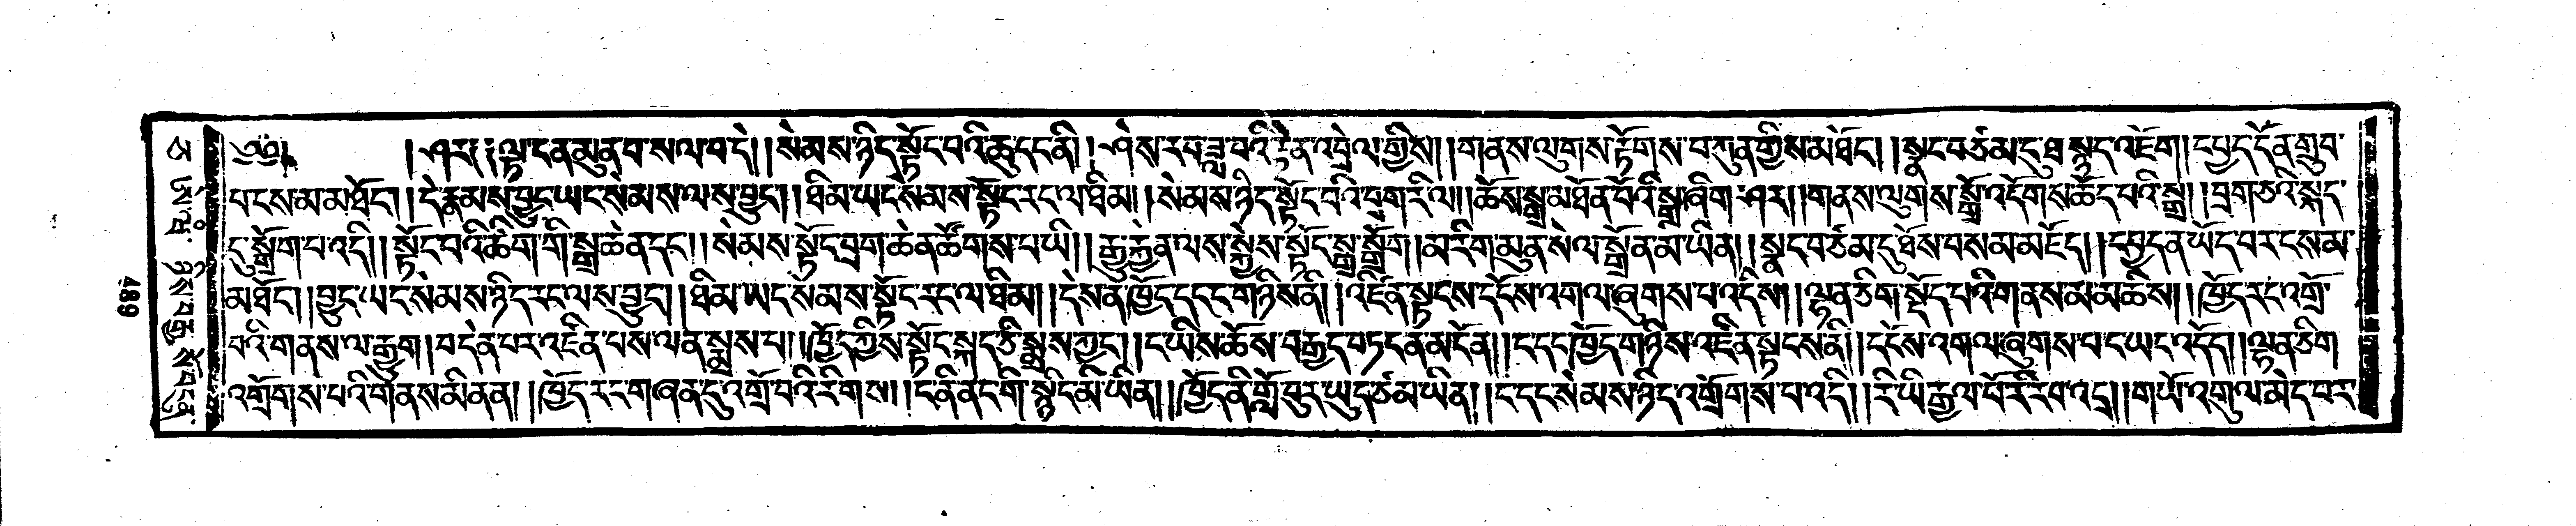༄༅། །ཤར༑ ༑ལྟ་ངན་མུན་པ་སེལ་བ་དེ། །སེམས་ཉིད་སྟོང་པའི་ཆུ་དང་ནི། །ཤེས་རབ་ཟླ་བའི་རྟེན་འབྲེལ་གྱིས། །གནས་ལུགས་རྟོགས་པ་ཀུན་གྱིས་མཐོང་། །སྣང་བ་ཙམ་དུ་ཐ་སྙད་འཇོག །དཔྱད་དོན་གྲུབ་
པ་ངས་མ་མཐོང་། །དེ་རྣམས་བྱུང་ཡང་སེམས་ལས་བྱུང་། །ཐིམ་ཡང་སེམས་སྟོང་རང་ལ་ཐིམ། །སེམས་འདི་སྟོང་པའི་བྲག་རིལ། །ཆོས་སྒྲ་མཐོན་པའི་སྒྲ་ཞིག་ཤར། །གནས་ལུགས་སྒྲོ་འདོགས་ཆོད་པའི་སྒྲ། །བྲག་ཅིའི་སྐད་
དུ་སྒྲོག་པ་འདི། །སྟོང་པའི་ཚིག་གི་སྒྲ་ཆེན་དང་། །སེམས་སྟོང་བྲག་ཆེན་ཚོགས་པ་ཡི། །རྒྱུ་རྐྱེན་ལས་སྐྱེས་སྟོང་སྒྲ་སྒྲོག །མ་རིག་མུན་སེལ་སྒྲོན་མེ་ཡིན། །སྣང་བ་ཙམ་དུ་ཐོས་བསམ་མཛོད། །དཔྱད་ན་ཡོད་པར་དས་མ་
མཐོང་། །བྱུང་ཡང་སེམས་ཉིད་རང་ལས་བྱུང་། །ཐིམ་ཡང་སེམས་སྟོང་རང་ལ་ཐིམ། །དེས་ན་ཁྱོད་དང་ང་གཉིས་ནི། །འཛིན་སྟངས་དངོས་འགལ་ཞུགས་པའི་འདིས། །ལྷན་ཅིག་སྡོད་པའི་གནས་མ་མཆིས། །ཁྱོད་རང་འགྲོ་
བའི་གནས་ལ་རྒྱུག །བདེན་པར་འཛིན་པས་ལན་སྨྲས་པ། །ཁྱོད་ཀྱིས་སྟོང་སྐད་ཅི་སྨྲས་ཀྱང་། །ང་ཡིས་ཆོས་བརྒྱད་བཏང་ན་མངོན། །ང་དང་ཁྱོད་གཉིས་འཛིན་སྟངས་ནི། །དངོས་འགལ་ཞུགས་པར་ང་ཡང་འདོད། །ལྷན་ཅིག་
འགྲོགས་པའི་གནས་མི་ནན། །ཁྱོད་རང་གཞན་དུ་འགྲོ་བའི་རིགས། །ང་ནི་ནང་གི་སྙིང་མི་ཡིན། །ཁྱོད་ནི་གློ་བུར་ཡུད་ཙམ་ཡིན། །ང་དང་སེམས་ཉིད་འགྲོགས་པ་འདི། །རི་ཡི་རྒྱལ་པོ་རི་རབ་འདྲ། །གཡོ་འགུལ་མེད་པར་